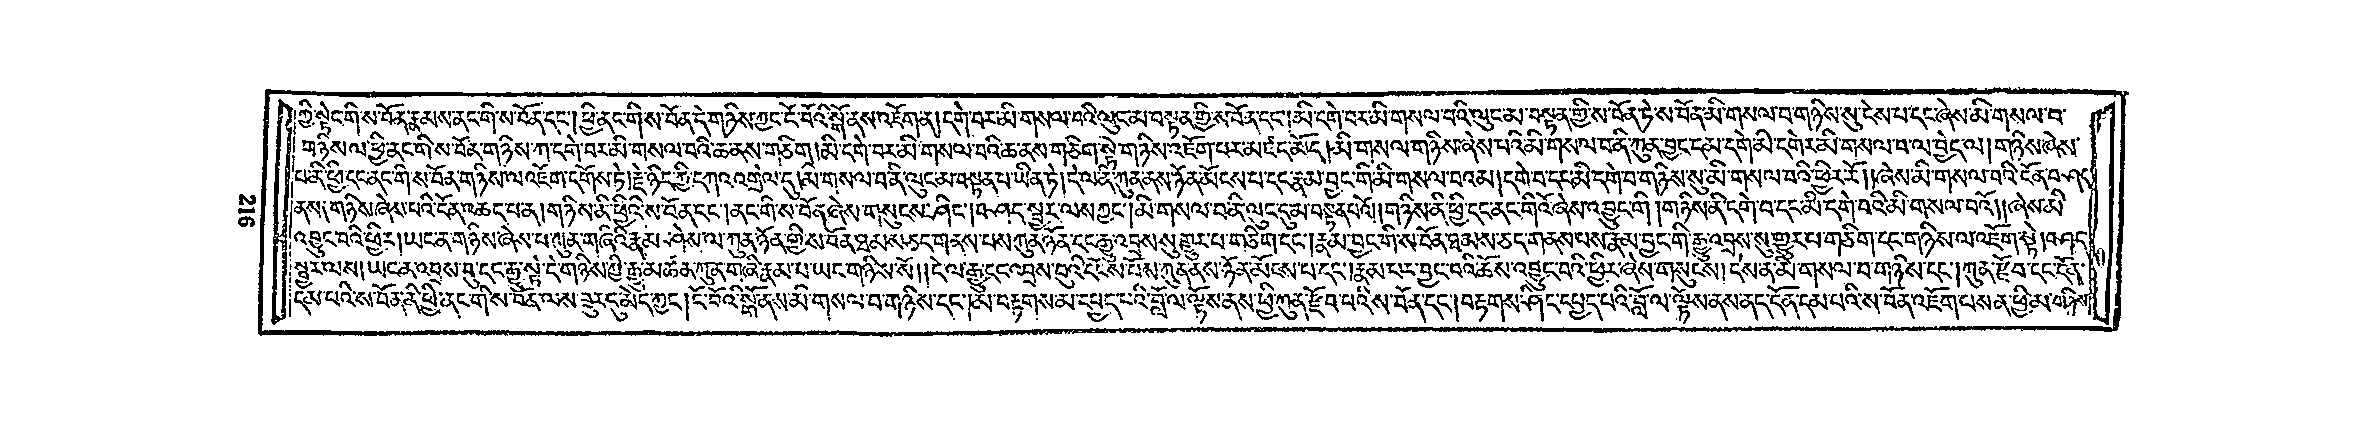ཀྱི་སྟེང་གི་ས་བོན་རྣམས་ནང་གི་ས་བོན་དང་། ཕྱི་ནང་གི་ས་བོན་དེ་གཉིས་ཀྱང་ངོ་བོའི་སྒོ་ནས་འཇོག་ན། དགེ་བར་མི་གསལ་བའི་ལུང་མ་བསྟན་གྱི་ས་བོན་དང་། མི་དགེ་བར་མི་གསལ་བའི་ལུང་མ་བསྟན་གྱི་ས་བོན་ཏེ་ས་བོན་མི་གསལ་བ་གཉིས་སུ་ངེས་པ་དང་ཞེས་མི་གསལ་བ་
གཉིས་ལ་ཕྱི་ནང་གི་ས་བོན་གཉིས་ཀ་དགེ་བར་མི་གསལ་བའི་ཆ་ནས་གཅིག །མི་དགེ་བར་མི་གསལ་བའི་ཆ་ནས་གཅིག་སྟེ་གཉིས་འཇོག་པར་མཛད་མོད། མི་གསལ་གཉིས་ཞེས་པའི་མི་གསལ་བ་ནི་ཀུན་བྱང་དམ་དགེ་མི་དགེར་མི་གསལ་བ་ལ་བྱེད་ལ། གཉིས་ཞེས་
པ་ནི་ཕྱི་དང་ནང་གི་ས་བོན་གཉིས་ལ་འཇོག་དགོས་ཏེ། རྗེ་ཉིད་ཀྱི་དཀའ་འགྲེལ་དུ། མི་གསལ་བ་ནི་ལུང་མ་བསྟན་པ་ཡིན་ཏེ། དེ་ལ་ནི་ཀུན་ནས་ཉོན་མོངས་པ་དང་རྣམ་བྱང་གི་མི་གསལ་བའམ། དགེ་བ་དང་མི་དགེ་བ་གཉིས་སུ་མི་གསལ་བའི་ཕྱིར་རོ། །ཞེས་མི་གསལ་བའི་དོན་བཤད་
ནས། གཉིས་ཞེས་པའི་དོན་འཆད་པ་ན། གཉིས་ནི་ཕྱིའི་ས་བོན་དང་། ནང་གི་ས་བོན་ཞེས་གསུངས་ཤིང་། བཤད་སྦྱར་ལས་ཀྱང་། མི་གསལ་བ་ནི་ལུང་དུ་མ་བསྟན་པའོ། །གཉིས་ནི་ཕྱི་དང་ནང་གིའོ་ཞེས་འབྱུང་གི །གཉིས་ནི་དགེ་བ་དང་མི་དགེ་བའི་མི་གསལ་བའོ། །ཞེས་མི་
འབྱུང་བའི་ཕྱིར། ཡང་ན་གཉིས་ཞེས་པ་ཀུན་གཞིའི་རྣམ་ཤེས་ལ་ཀུན་ཉོན་གྱི་ས་བོན་ཐམས་ཅད་གནས་པས་ཀུན་ཉོན་དང་རྒྱུ་འབྲས་སུ་གྱུར་པ་གཅིག་དང་། རྣམ་བྱང་གི་ས་བོན་ཐམས་ཅད་གནས་པས་རྣམ་བྱང་གི་རྒྱུ་འབྲས་སུ་གྱུར་པ་གཅིག་དང་གཉིས་ལ་འཇོག་སྟེ། བཤད་
སྦྱར་ལས། ཡང་ན་འབྲས་བུ་དང་རྒྱུ་སྟེ་དེ་གཉིས་ཀྱི་རྒྱུ་མཚན་ཀུན་གཞི་རྣམ་པ་ཡང་གཉིས་སོ། །དེ་ལ་རྒྱུ་དང་འབྲས་བུའི་དངོས་པོས་ཀུན་ནས་ཉོན་མོངས་པ་དང་། རྣམ་པར་བྱང་བའི་ཆོས་འབྱུང་བའི་ཕྱིར་ཞེས་གསུངས། དེས་ན་མི་གསལ་བ་གཉིས་དང་། ཀུན་རྫོབ་དང་དོན་
དམ་པའི་ས་བོན་ནི་ཕྱི་ནང་གི་ས་བོན་ལས་ཟུར་དུ་མེད་ཀྱང་། ངོ་བོའི་སྒོ་ནས་མི་གསལ་བ་གཉིས་དང་། མ་བརྟགས་མ་དཔྱད་པའི་བློ་ལ་ལྟོས་ནས་ཕྱི་ཀུན་རྫོབ་པའི་ས་བོན་དང་། བརྟགས་ཤིང་དཔྱད་པའི་བློ་ལ་ལྟོས་ནས་ནད་དོན་དམ་པའི་ས་བོན་འཇོག་པས་ན་ཕྱི་མ་གཉིས་